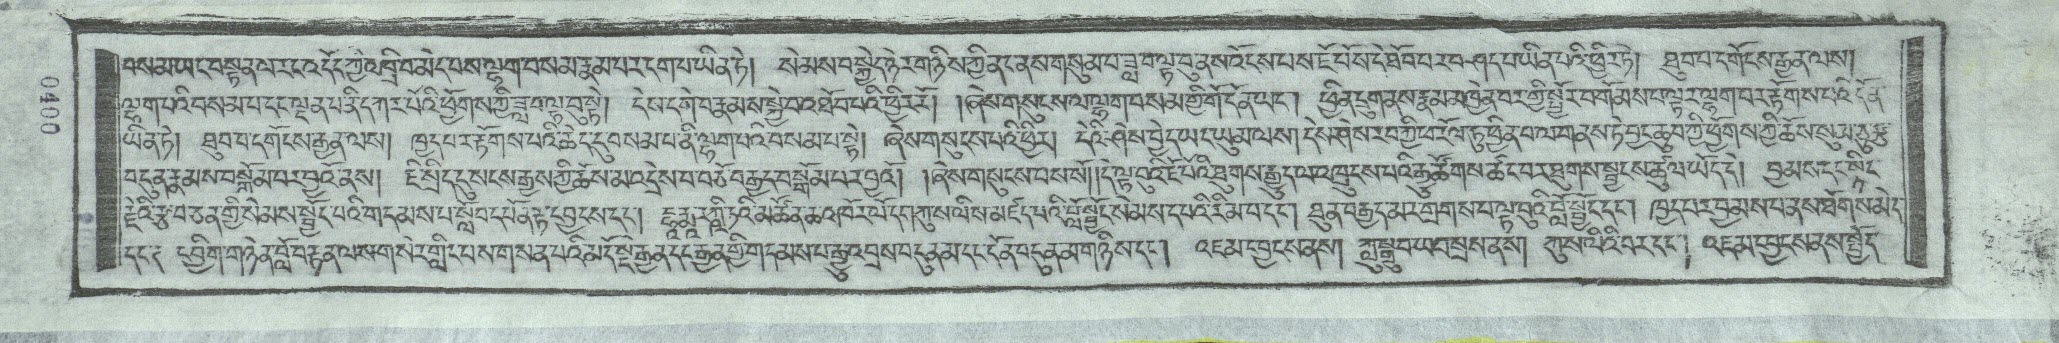བསམ་ཡང་བསྟན་ལ་རང་འདོད་ཀྱི་འཁྲི་བ་མེད་པས་ལྷག་བསམ་རྣམ་པར་དག་པ་ཡིན་ཏེ། སེམས་བསྐྱེད་ཉེར་གཉིས་ཀྱི་ནང་ནས་གསུམ་པ་ཟླ་བ་ལྟ་བུ་ནས་འོངས་པས་ཇོ་བོས་དེ་ཐོབ་པར་བཤད་པ་ཡིན་པའི་ཕྱིར་ཏེ། ཐུབ་པ་དགོངས་རྒྱན་ལས།
ལྷག་པའི་བསམ་པ་དང་ལྡན་པ་ནི་དཀར་པོའི་ཕྱོགས་ཀྱི་ཟླ་བ་ལྟ་བུ་སྟེ། དེས་དགེ་བ་རྣམས་སྐྱེ་བ་འཐོབ་པའི་ཕྱིར་རོ། །ཞེས་གསུངས་ལ་ལྷག་བསམ་གྱི་གོ་དོན་ཡང་། ཕྱིན་དྲུག་ནས་རྣམ་མཁྱེན་བར་གྱི་སྦྱོར་བ་གོམས་པ་ལྟར་ལྷག་པར་རྟོགས་པའི་དོན་
ཡིན་ཏེ། ཐུབ་པ་དགོངས་རྒྱན་ལས། ཁྱད་པར་རྟོགས་པའི་ཆེད་དུ་བསམ་པ་ནི་ལྷག་པའི་བསམ་པ་སྟེ། ཞེས་གསུངས་པའི་ཕྱིར། དེའི་ཤེས་བྱེད་ཡང་ཡུམ་ལས། དེས་ཤེས་རབ་ཀྱི་ཕ་རོལ་ཏུ་ཕྱིན་པ་ལ་གནས་ཏེ་བྱང་ཆུབ་ཀྱི་ཕྱོགས་ཀྱི་ཆོས་སུམ་ཅུ་རྩ་
བདུན་རྣམས་བསྒོམ་པར་བྱའོ་ནས། ཇི་སྲིད་དུ་སངས་རྒྱས་ཀྱི་ཆོས་མ་འདྲེས་པ་བཅོ་བརྒྱད་བསྒོམ་པར་བྱའོ། །ཞེས་གསུངས་པས་སོ། །དེ་ལྟ་བུའི་ཇོ་བོའི་ཐུགས་རྒྱུད་ལ་འཁྲུངས་པའི་རྒྱུ་ཚོགས་ཚང་པར་ཐུགས་སྦྱངས་ཚུལ་ཡོད་དེ། བྱམས་དང་སྙིང་
རྗེའི་རྩ་བ་ཅན་གྱི་སེམས་སྦྱོད་པའི་གདམས་པ་སློབ་དཔོན་རྟ་དབྱངས་དང་། དྷཱརྨཱ་རཀྵི་ཏའི་མཚོན་ཆ་འཁོར་ལོ་དང་། ཀུ་ས་ལིས་མཛད་པའི་བློ་སྦྱོང་སེམས་དཔའི་རིམ་པ་དང་། ཐུན་བརྒྱད་མར་གྲགས་པ་ལྟ་བུའི་བློ་སྦྱོང་དང་། ཁྱད་པར་བྱམས་པ་ནས་ཐོགས་མེད་
དང༑ དབྱིག་གཉེན་བློ་བརྟན་ལས་གསེར་གླིང་པས་གསན་པའི་མདོ་སྡེ་རྒྱན་དང་རྒྱན་གྱི་གདམས་པ་རྒྱུ་འབྲས་བདུན་མ་དང་དོན་བདུན་མ་གཉིས་དང་། འཇམ་དབྱངས་ནས། ཀླུ་སྒྲུབ་ཡབ་སྲས་ནས། ཀུ་ས་ལིའི་བར་དང་། འཇམ་དབྱངས་ནས་སྤྱོད་